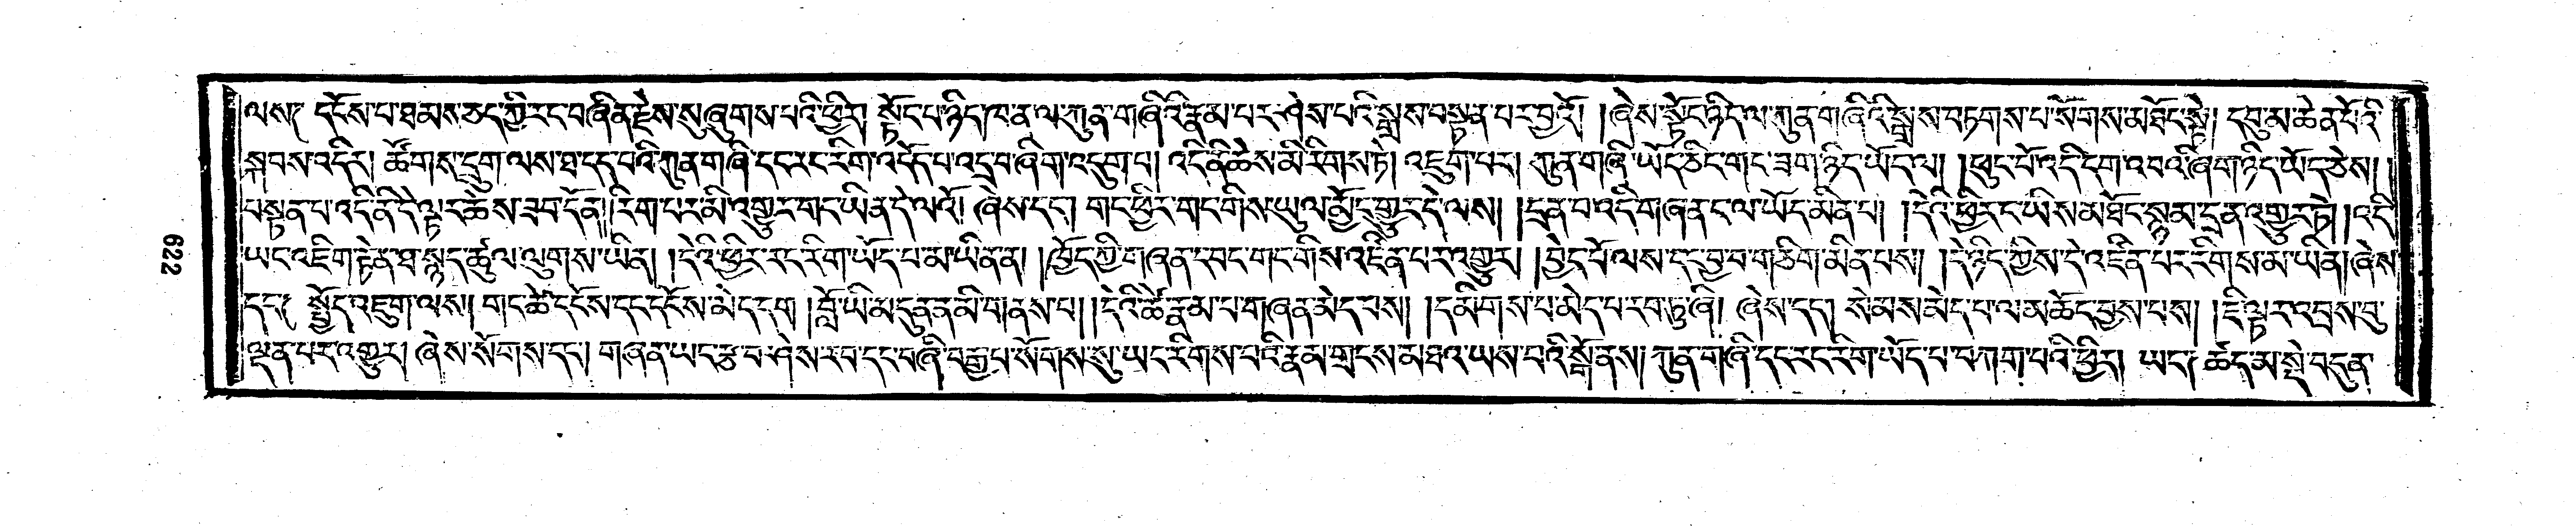ལས༑ དངོས་པོ་ཐམས་ཅད་ཀྱི་རང་བཞིན་རྗེས་སུ་ཞུགས་པའི་ཕྱིར། སྟོང་པ་ཉིད་ཁོ་ན་ལ་ཀུན་གཞིའི་རྣམ་པར་ཤེས་པའི་སྒྲས་བསྟན་པར་བྱའོ། །ཞེས་སྟོང་ཉིད་ལ་ཀུན་གཞིའི་སྒྲས་བཏགས་པ་སོགས་མཐོང་སྟེ། དབུ་མ་ཆེན་པོའི་
སྐབས་འདིར། ཚོགས་དྲུག་ལས་ཐ་དད་པའི་ཀུན་གཞི་དང་རང་རིག་འདོད་པ་འདྲ་བ་ཞིག་འདུག་པ། འདི་ནི་ཆེས་མི་རིགས་ཏེ། འཇུག་པར། ཀུན་གཞི་ཡོད་ཅིང་གང་ཟག་ཉིད་ཡོད་ལ། །ཕུང་པོ་འདི་དག་འབའ་ཞིག་ཉིད་ཡོད་ཅེས། །
བསྟན་པ་འདི་ནི་དེ་ལྟར་ཆེས་ཟབ་དོན། །རིག་པར་མི་འགྱུར་གང་ཡིན་དེ་ལའོ། ཞེས་དང་། གང་ཕྱིར་གང་གིས་ཡུལ་མྱོང་གྱུར་དེ་ལས། །དྲན་པ་འདི་གཞན་ང་ལ་ཡོད་མིན་པ། །དེའི་ཕྱིར་ང་ཡིས་མཐོང་སྙམ་དྲན་འགྱུར་ཏེ། །འདི་
ཡང་འཇིག་རྟེན་ཐ་སྙད་ཚུལ་ལུགས་ཡིན། །དེའི་ཕྱིར་རང་རིག་ཡོད་པ་མ་ཡིན་ན། །ཁྱོད་ཀྱི་གཞན་དབང་གང་གིས་འཛིན་པར་འགྱུར། །བྱེད་པོ་ལས་དང་བྱ་བ་གཅིག་མིན་པས། །དེ་ཉིད་ཀྱིས་དེ་འཛིན་པར་རིགས་མ་ཡིན། ཞེས་
དང༑ སྤྱོད་འཇུག་ལས། གང་ཚེ་དངོས་དང་དངོས་མེད་དག །བློ་ཡི་མདུན་ན་མི་གནས་པ། །དེའི་ཚེ་རྣམ་པ་གཞན་མེད་པས། །དམིགས་པ་མེད་པ་རབ་ཏུ་ཞི། ཞེས་དང་། སེམས་མེད་པ་ལ་མཆོད་བྱས་པས། །ཇི་ལྟར་འབྲས་བུ་
ལྡན་པར་འགྱུར། ཞེས་སོགས་དང་། གཞན་ཡང་རྩ་བ་ཤེས་རབ་དང་བཞི་བརྒྱ་པ་སོགས་སུ་ཡང་རིགས་པའི་རྣམ་གྲངས་མཐའ་ཡས་པའི་སྒོ་ནས། ཀུན་གཞི་དང་རང་རིག་ཡོད་པ་བཀག་པའི་ཕྱིར། ཡང་། ཚད་མ་སྡེ་བདུན་